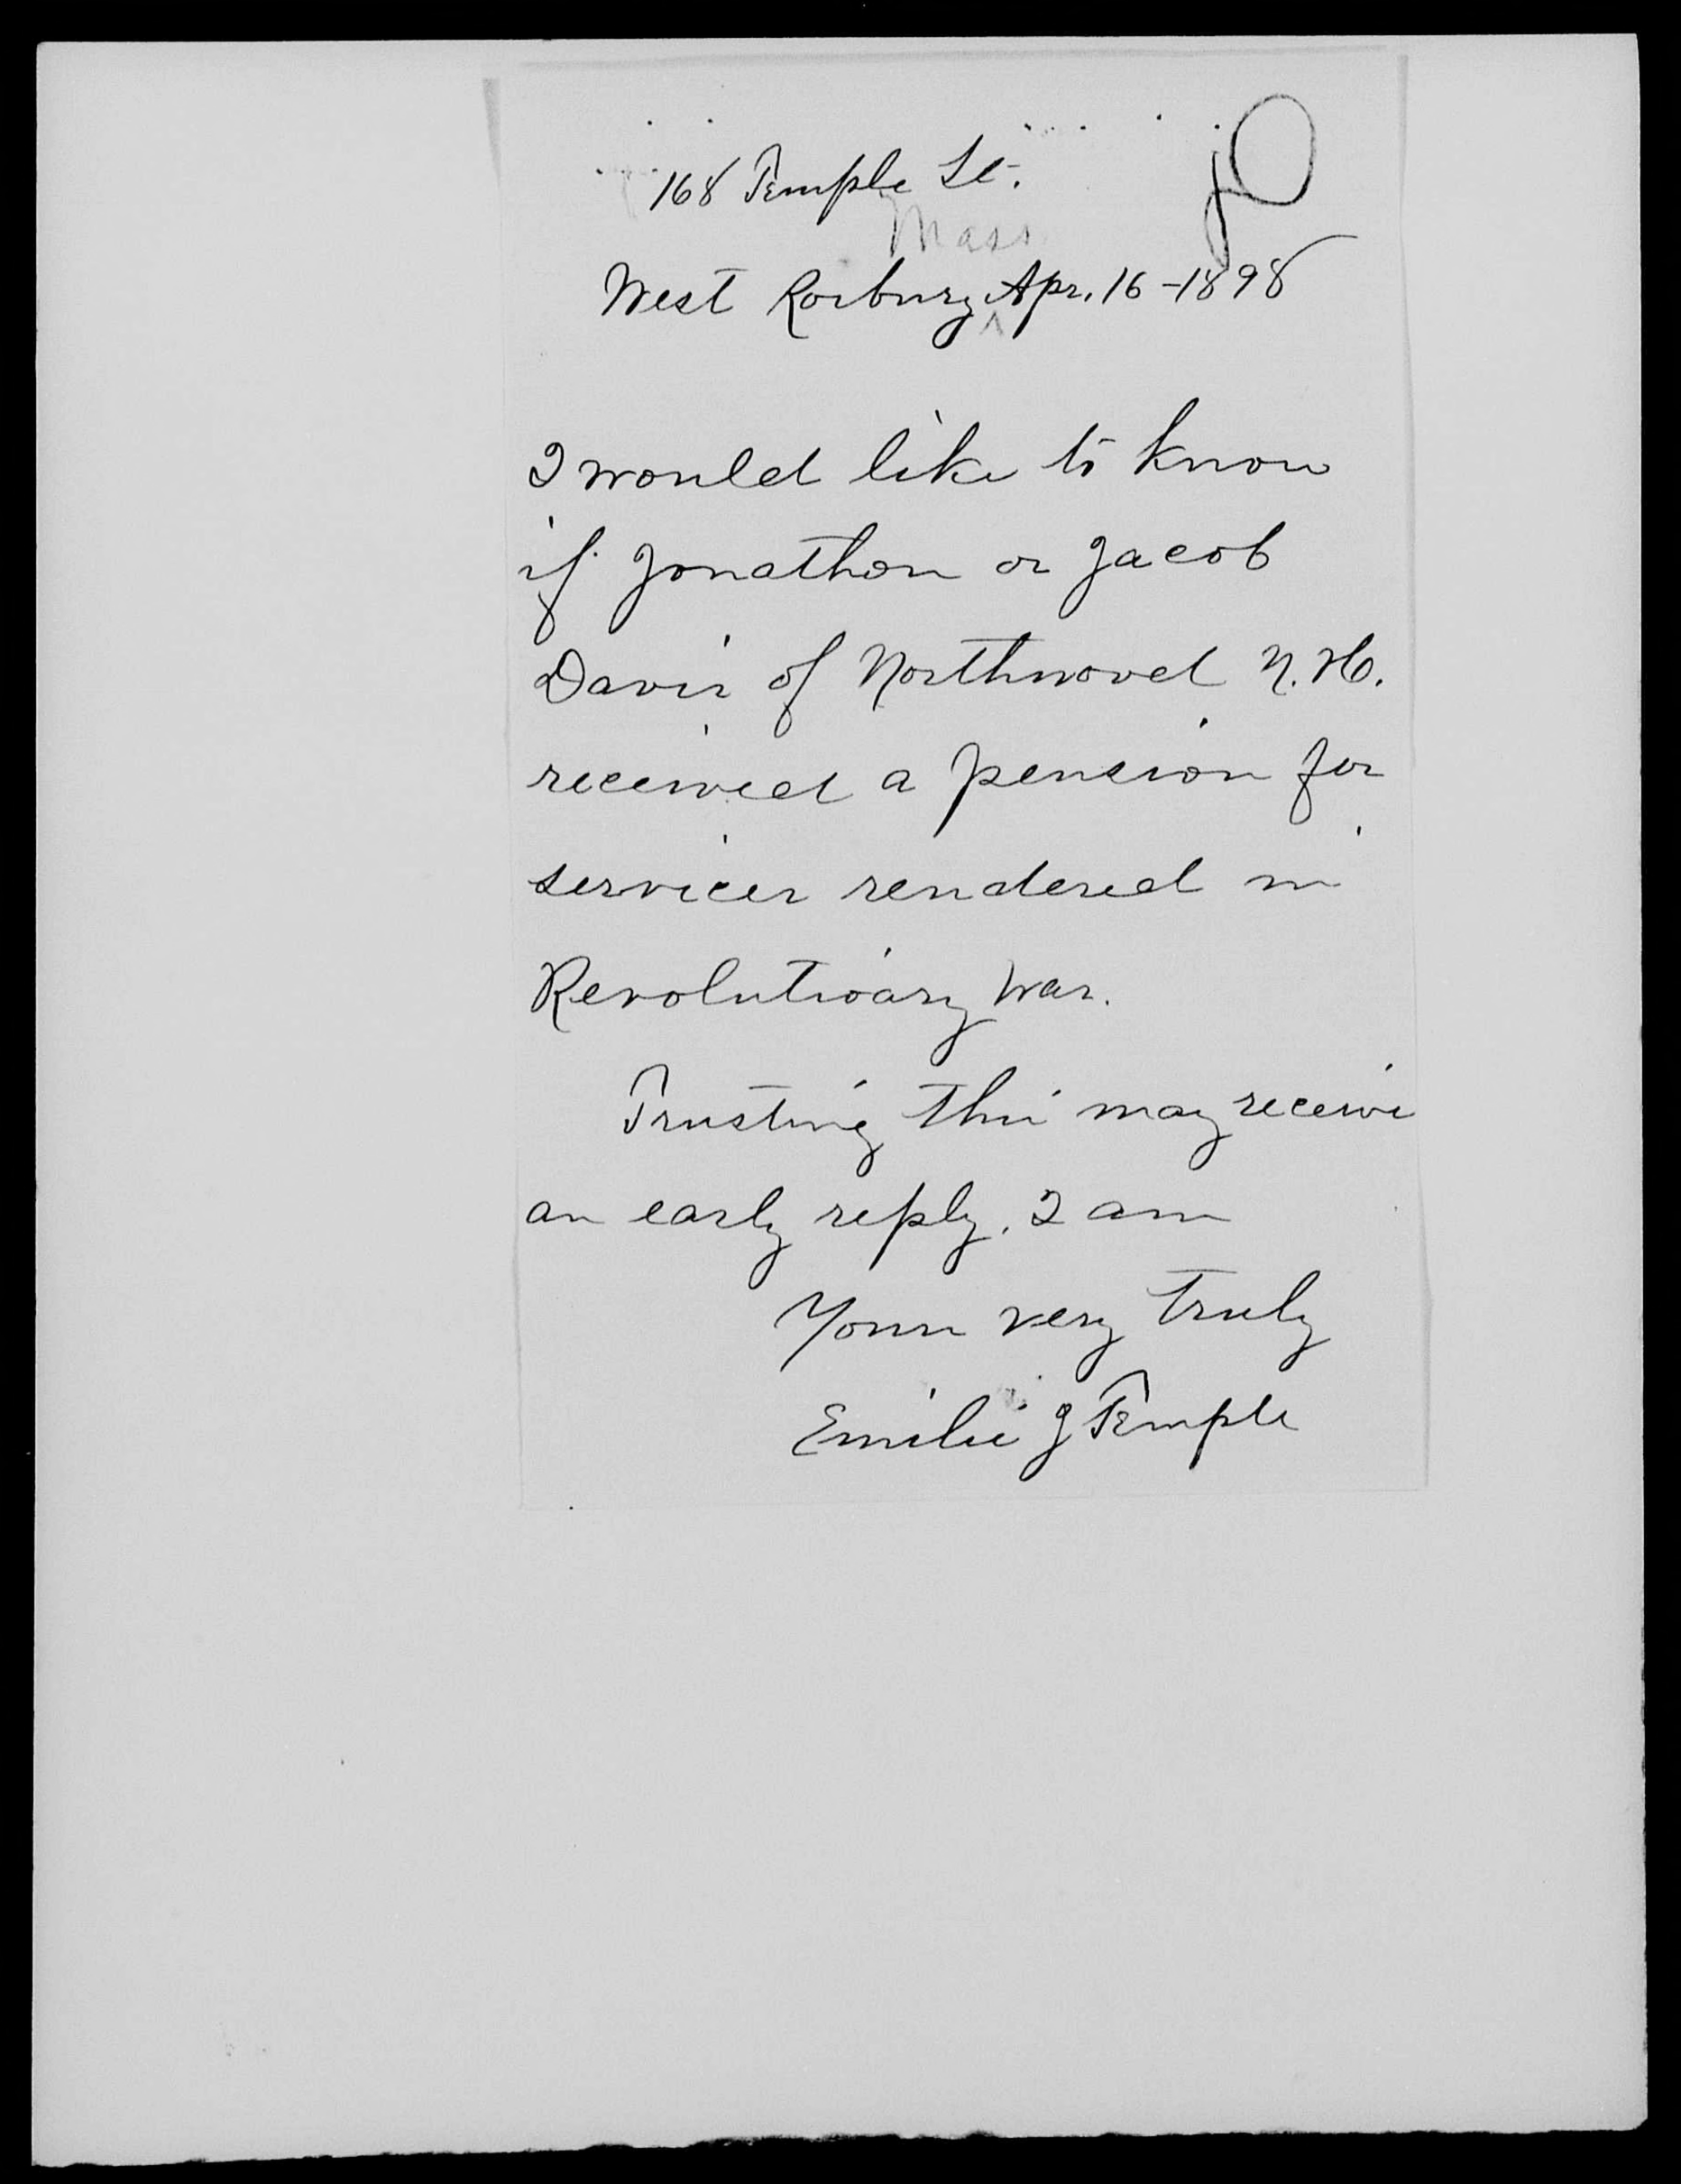168 Temple St
West Roxbury Mass Apr 16 1898
I would like to know if Jonathon or Jacob
Davis of Northwood N.H received a pension for
services rendered in Revolutionary War.
Trusting this may receive an early reply. I am
Your very truly
Emilie J Temple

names: Jonathon Davis, Jacob Davis, Emilie J Temple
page: 15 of 47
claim: widow's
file: W. 24043, Jacob Davis, N.H.